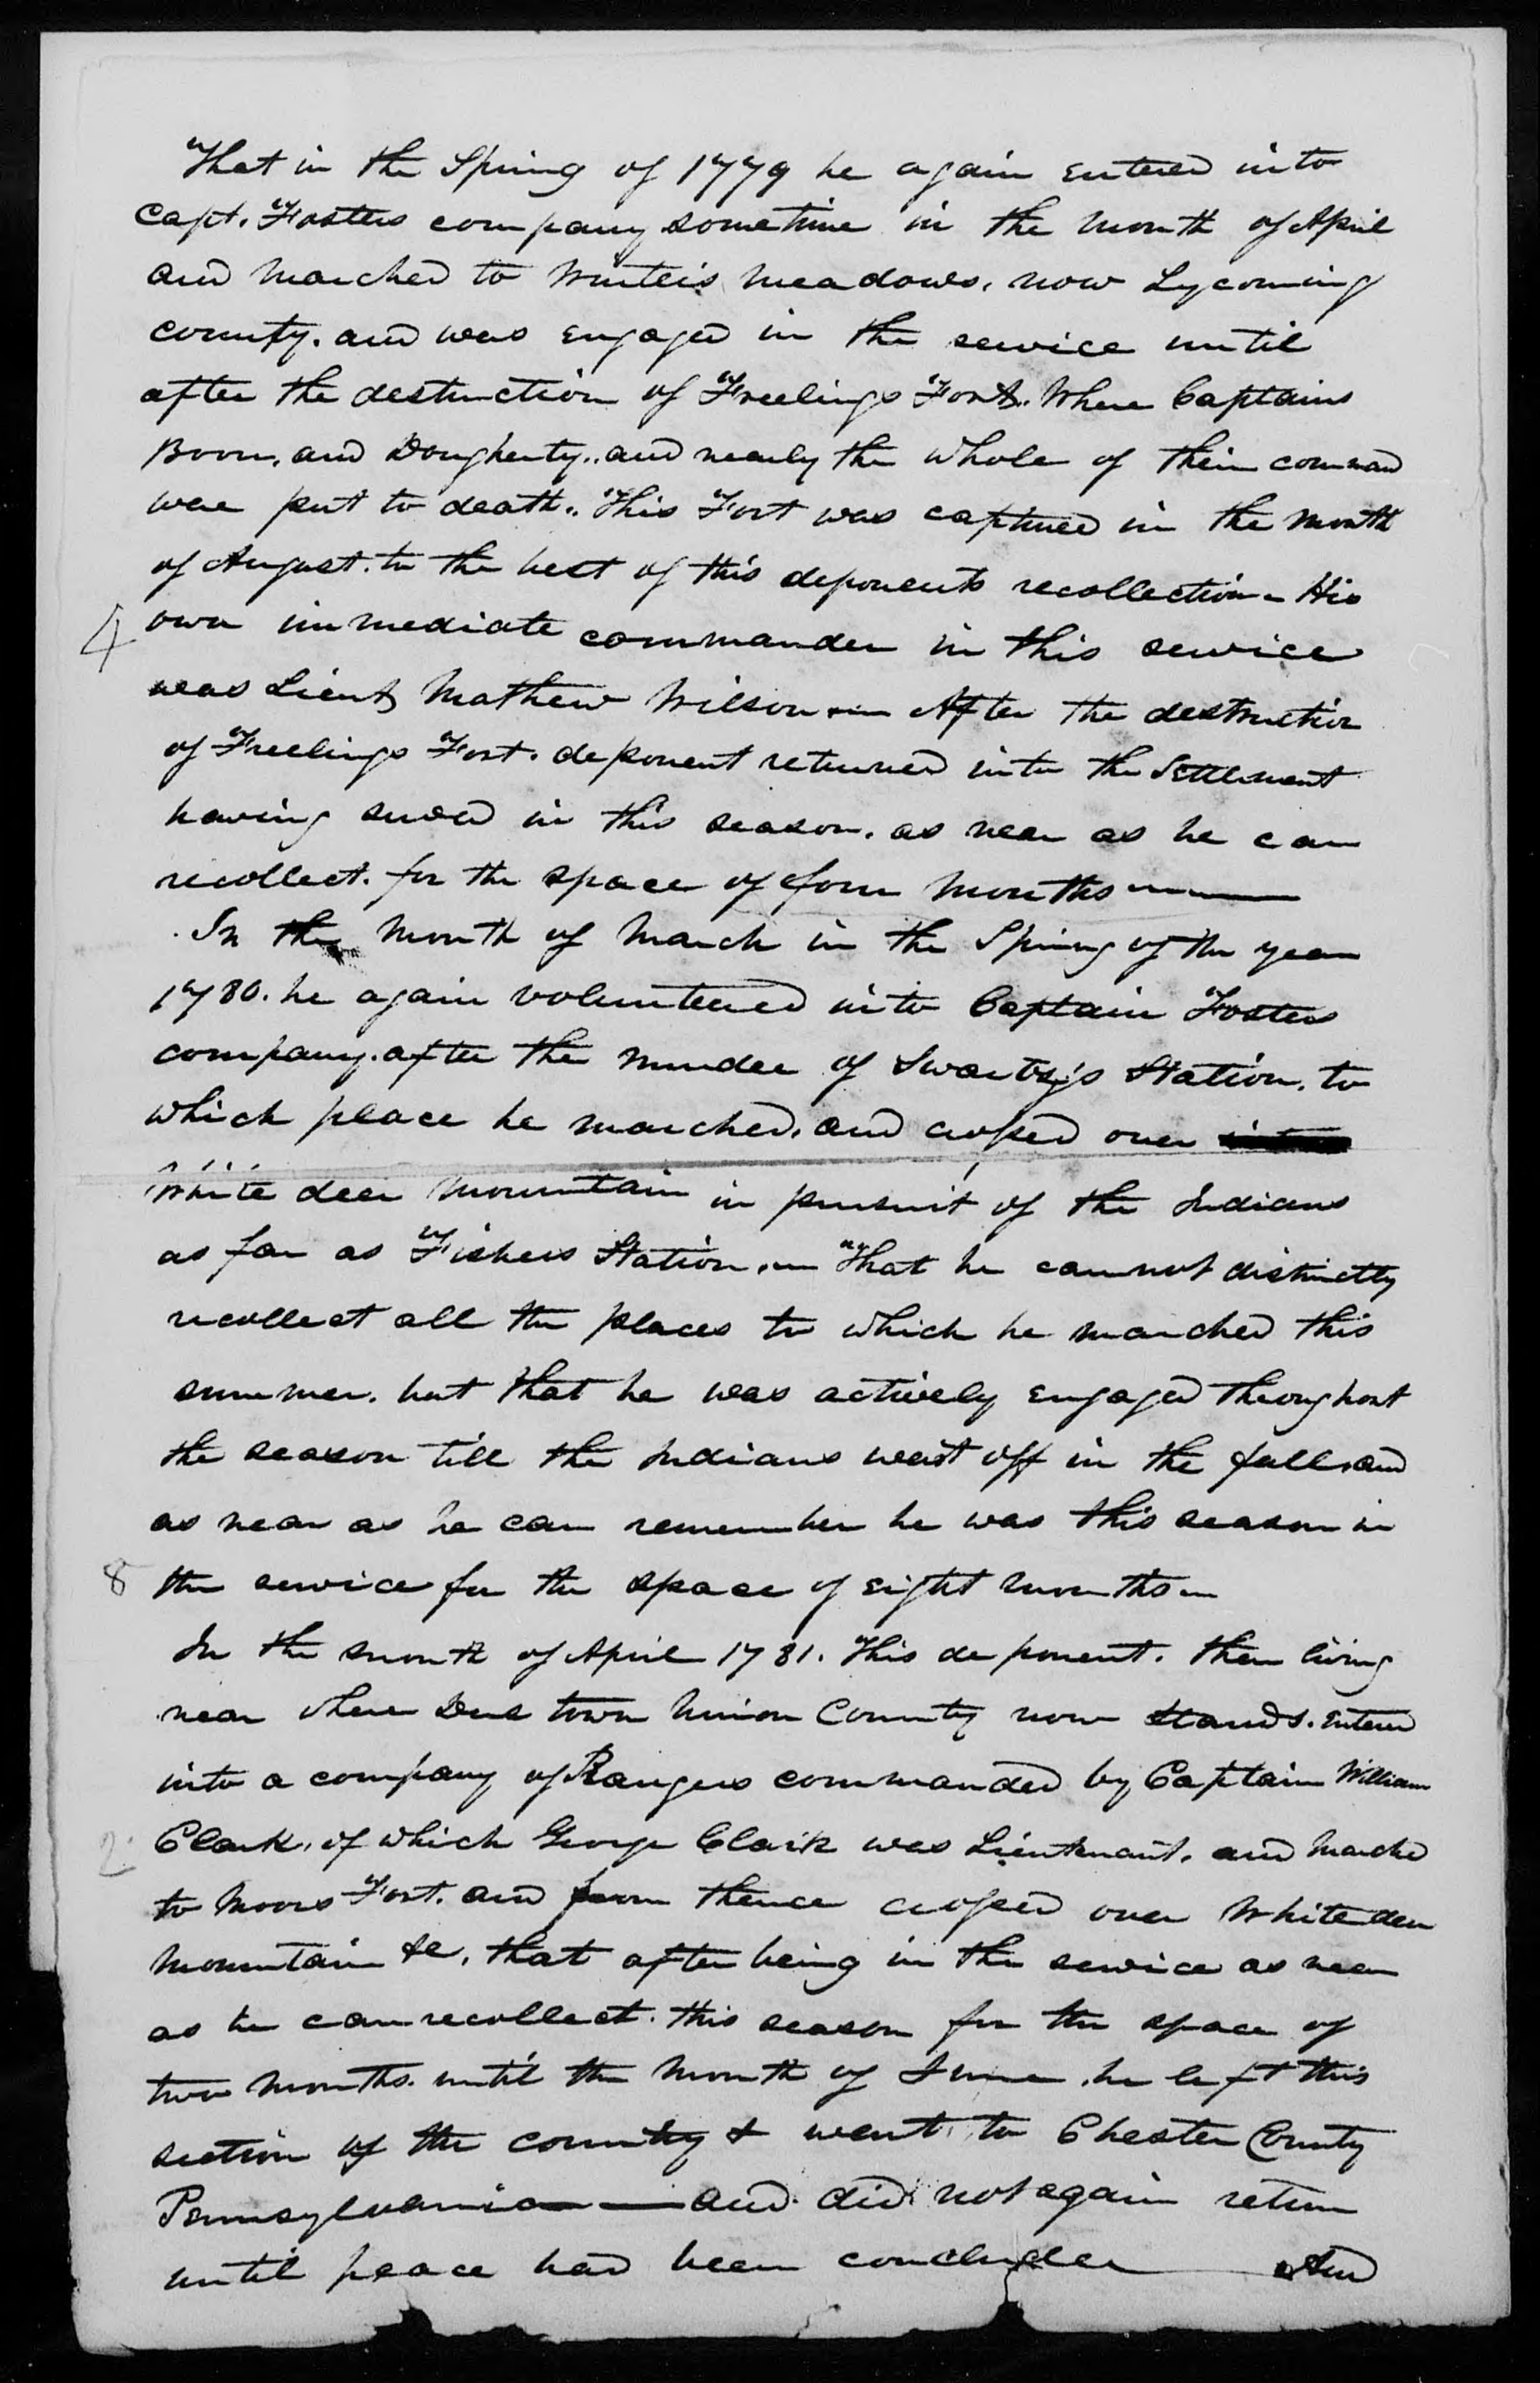That in the Spring of 1779 he again entered into Capt. Fosters company sometime in the month of April and marched to Marties Meadows, now Lycoming County, and was engaged in the service until after the destruction of Freelings Fort where Captains Boom and Dougherty and nearly the whole of their command were put to death.  This fort was captured in the month of August to the best of this déferrement recollection.  His own immediate commander in this service was [illegible] Matthew Wilson.  After the destruction of Freelings fort [illegible] returned into the settlement having [illegible] in the season and near as he can recollect for the space of four months.

In the month of March in the Spring of the year 1780 he again volunteer into Captain Fosters company after the murder of Swartz’s station to which peace be marched and [illegible] over White Deer mountain in pursuit of Indians as far as Fisher’s Station in that he couldn’t distinctly recollect all the places to which he marched this summer but that he was actively engaged throughout the season till the Indians went off in the fall and as near as he can remember he was this season in the service for the space of eight months.

In the month of April 1781 this déferrement then living near where [illegible] County now [illegible]into a company of Rangers commanded by Captain William Clark of which George Clark was Lieutenant and marched to [illegible] fort and front hence after over White Deer Mountain he that after being in the service as an as he can recollect this season for the space of ten months with month of June his left this [illegible] o County and went to Chester County Pennsylvania and [illegible] not again return until peace has been concluded  [illegible]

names: George Clark, Dougherty, Boon, Mathew Wilson, William Clark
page: 5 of 80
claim: widow's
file: W. 24117, John Elder, Penn.